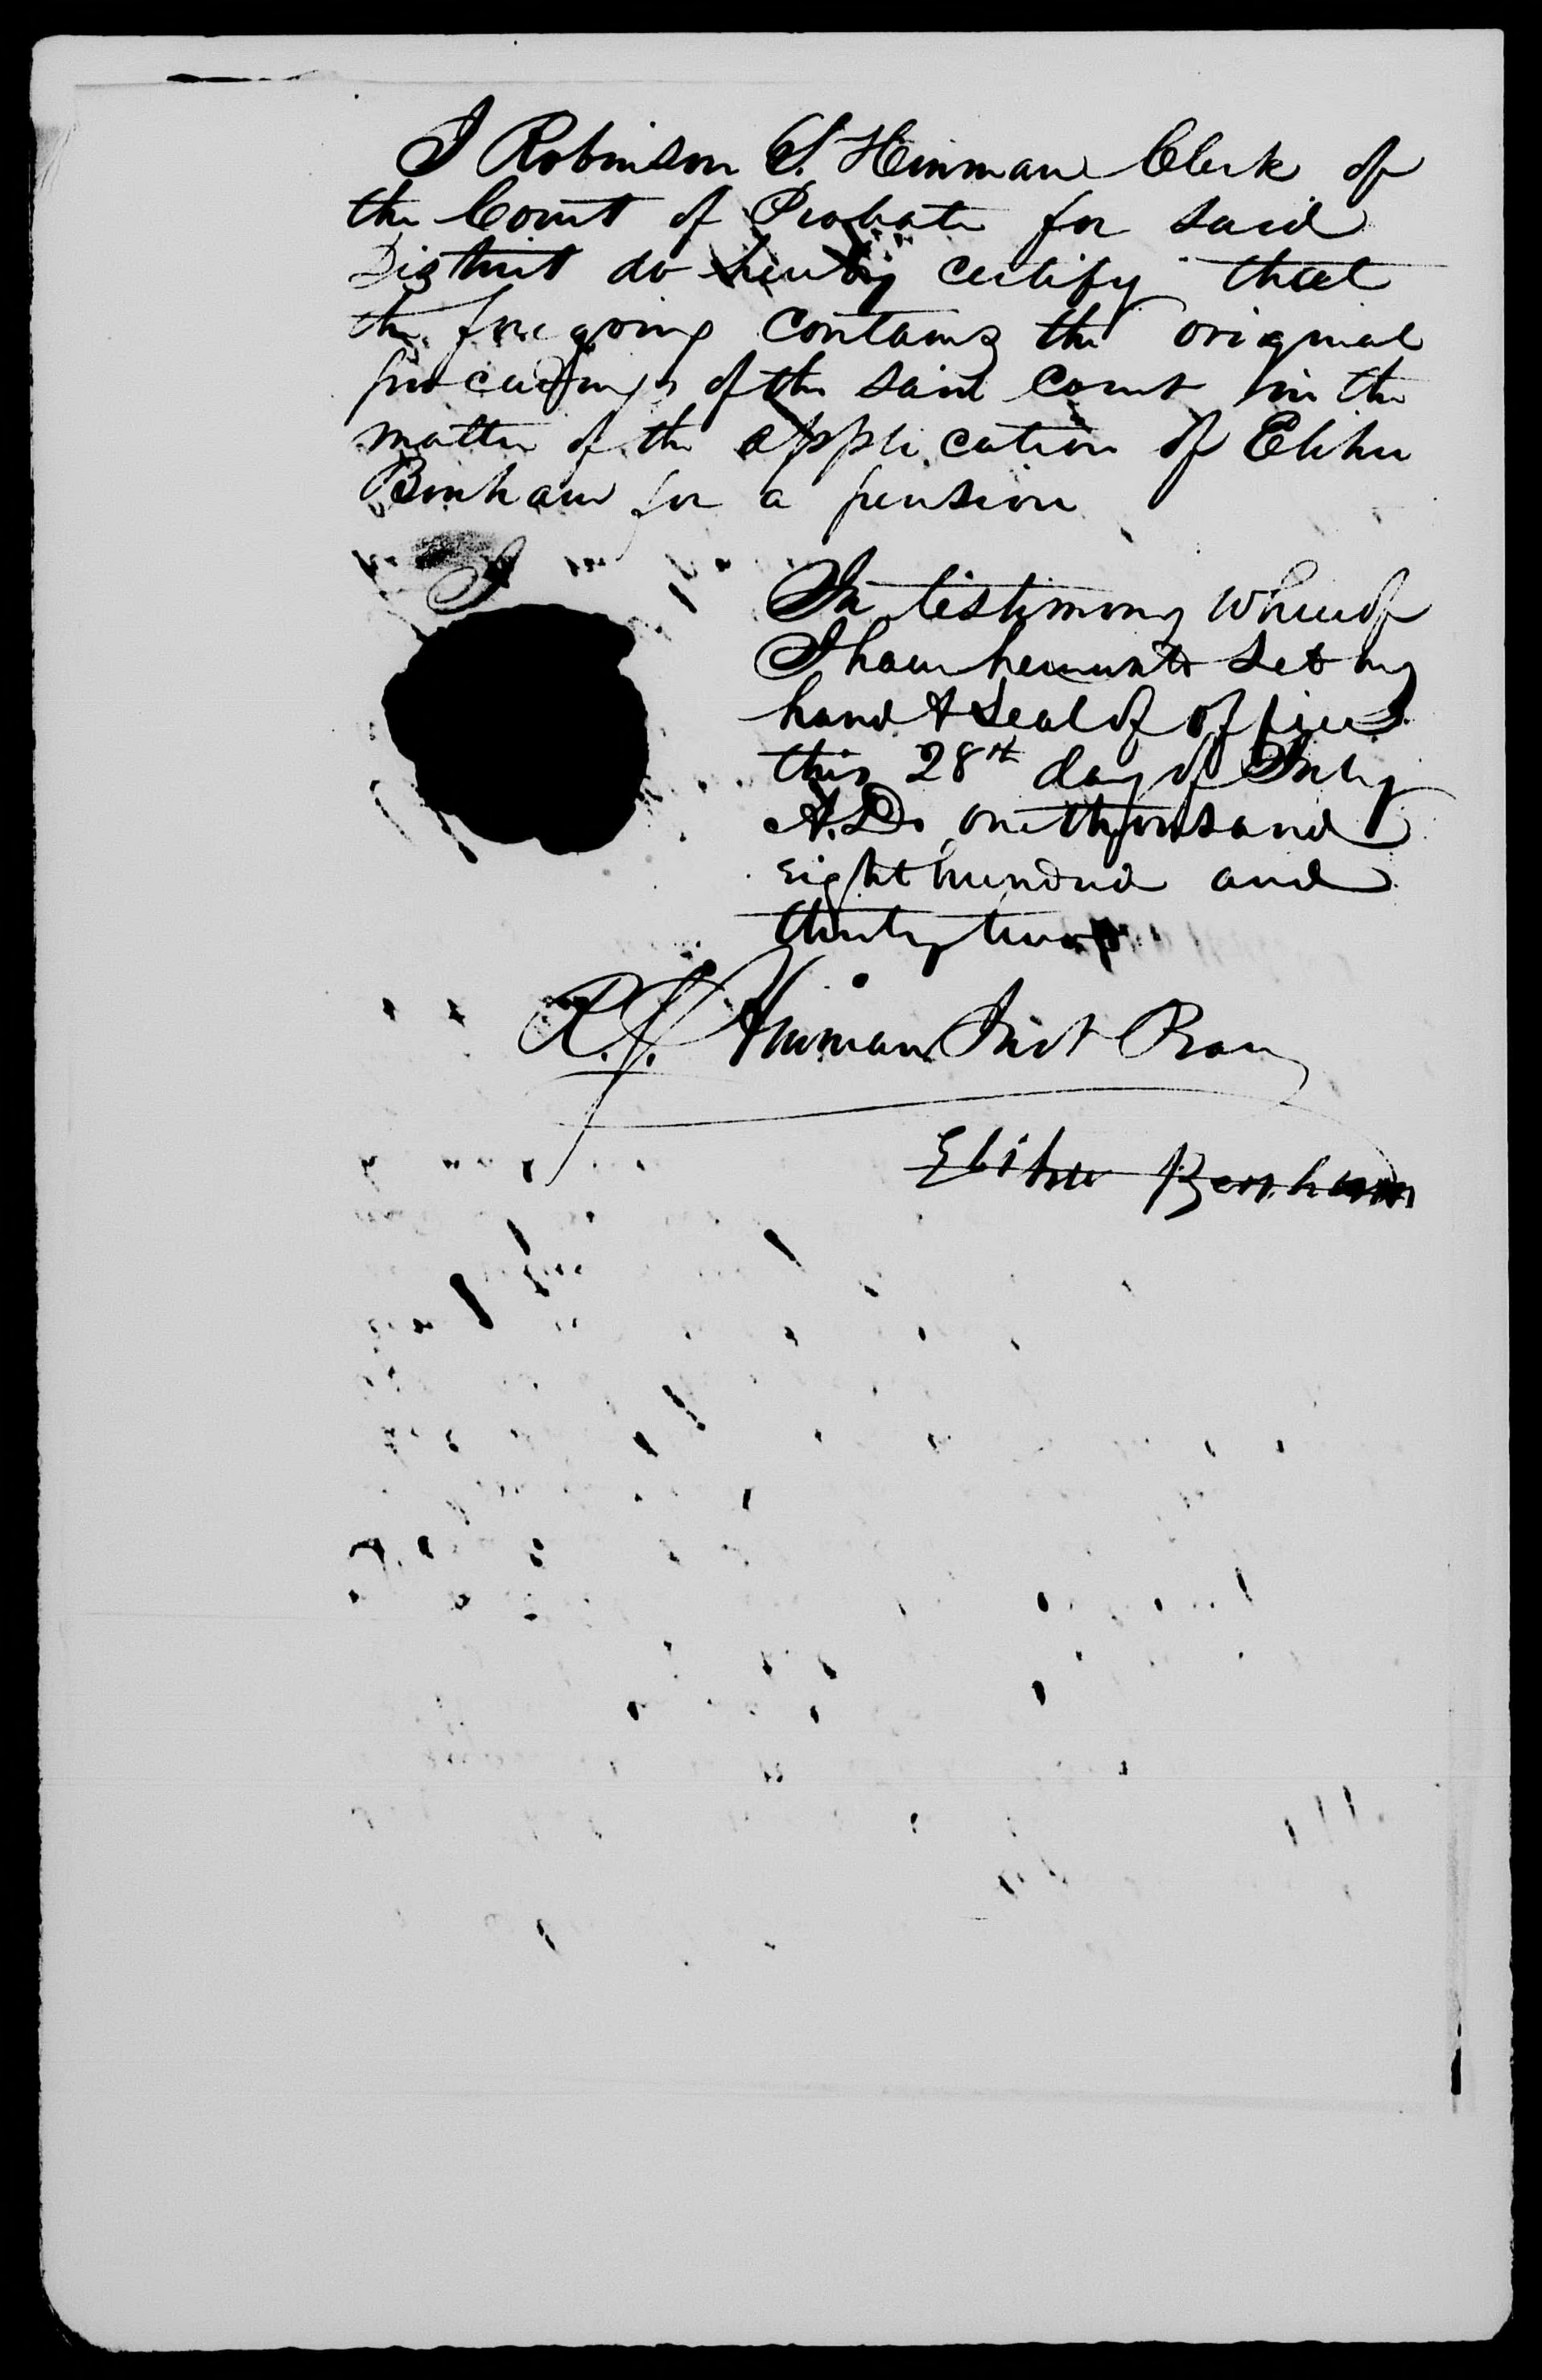I Robinson S. Hinman Clerk of the the Court of Probate for said District do herby certify that the foregoing contains the original indication of the said court in the matter of the application of Elihu Benham for a pension - 
In testimony whereof I have herunto set my hand & seal of office this 28th day of July A.D. one thousand Eight hundred and thirty two ● ● R.S. Hinman Justice of Peace
Elihu Benham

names: Elihu Benham, Robinson S Hinman, Elihu Benham, R S Hinman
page: 6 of 45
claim: survivor's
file: S. 15748, Elihu Benham, Conn.